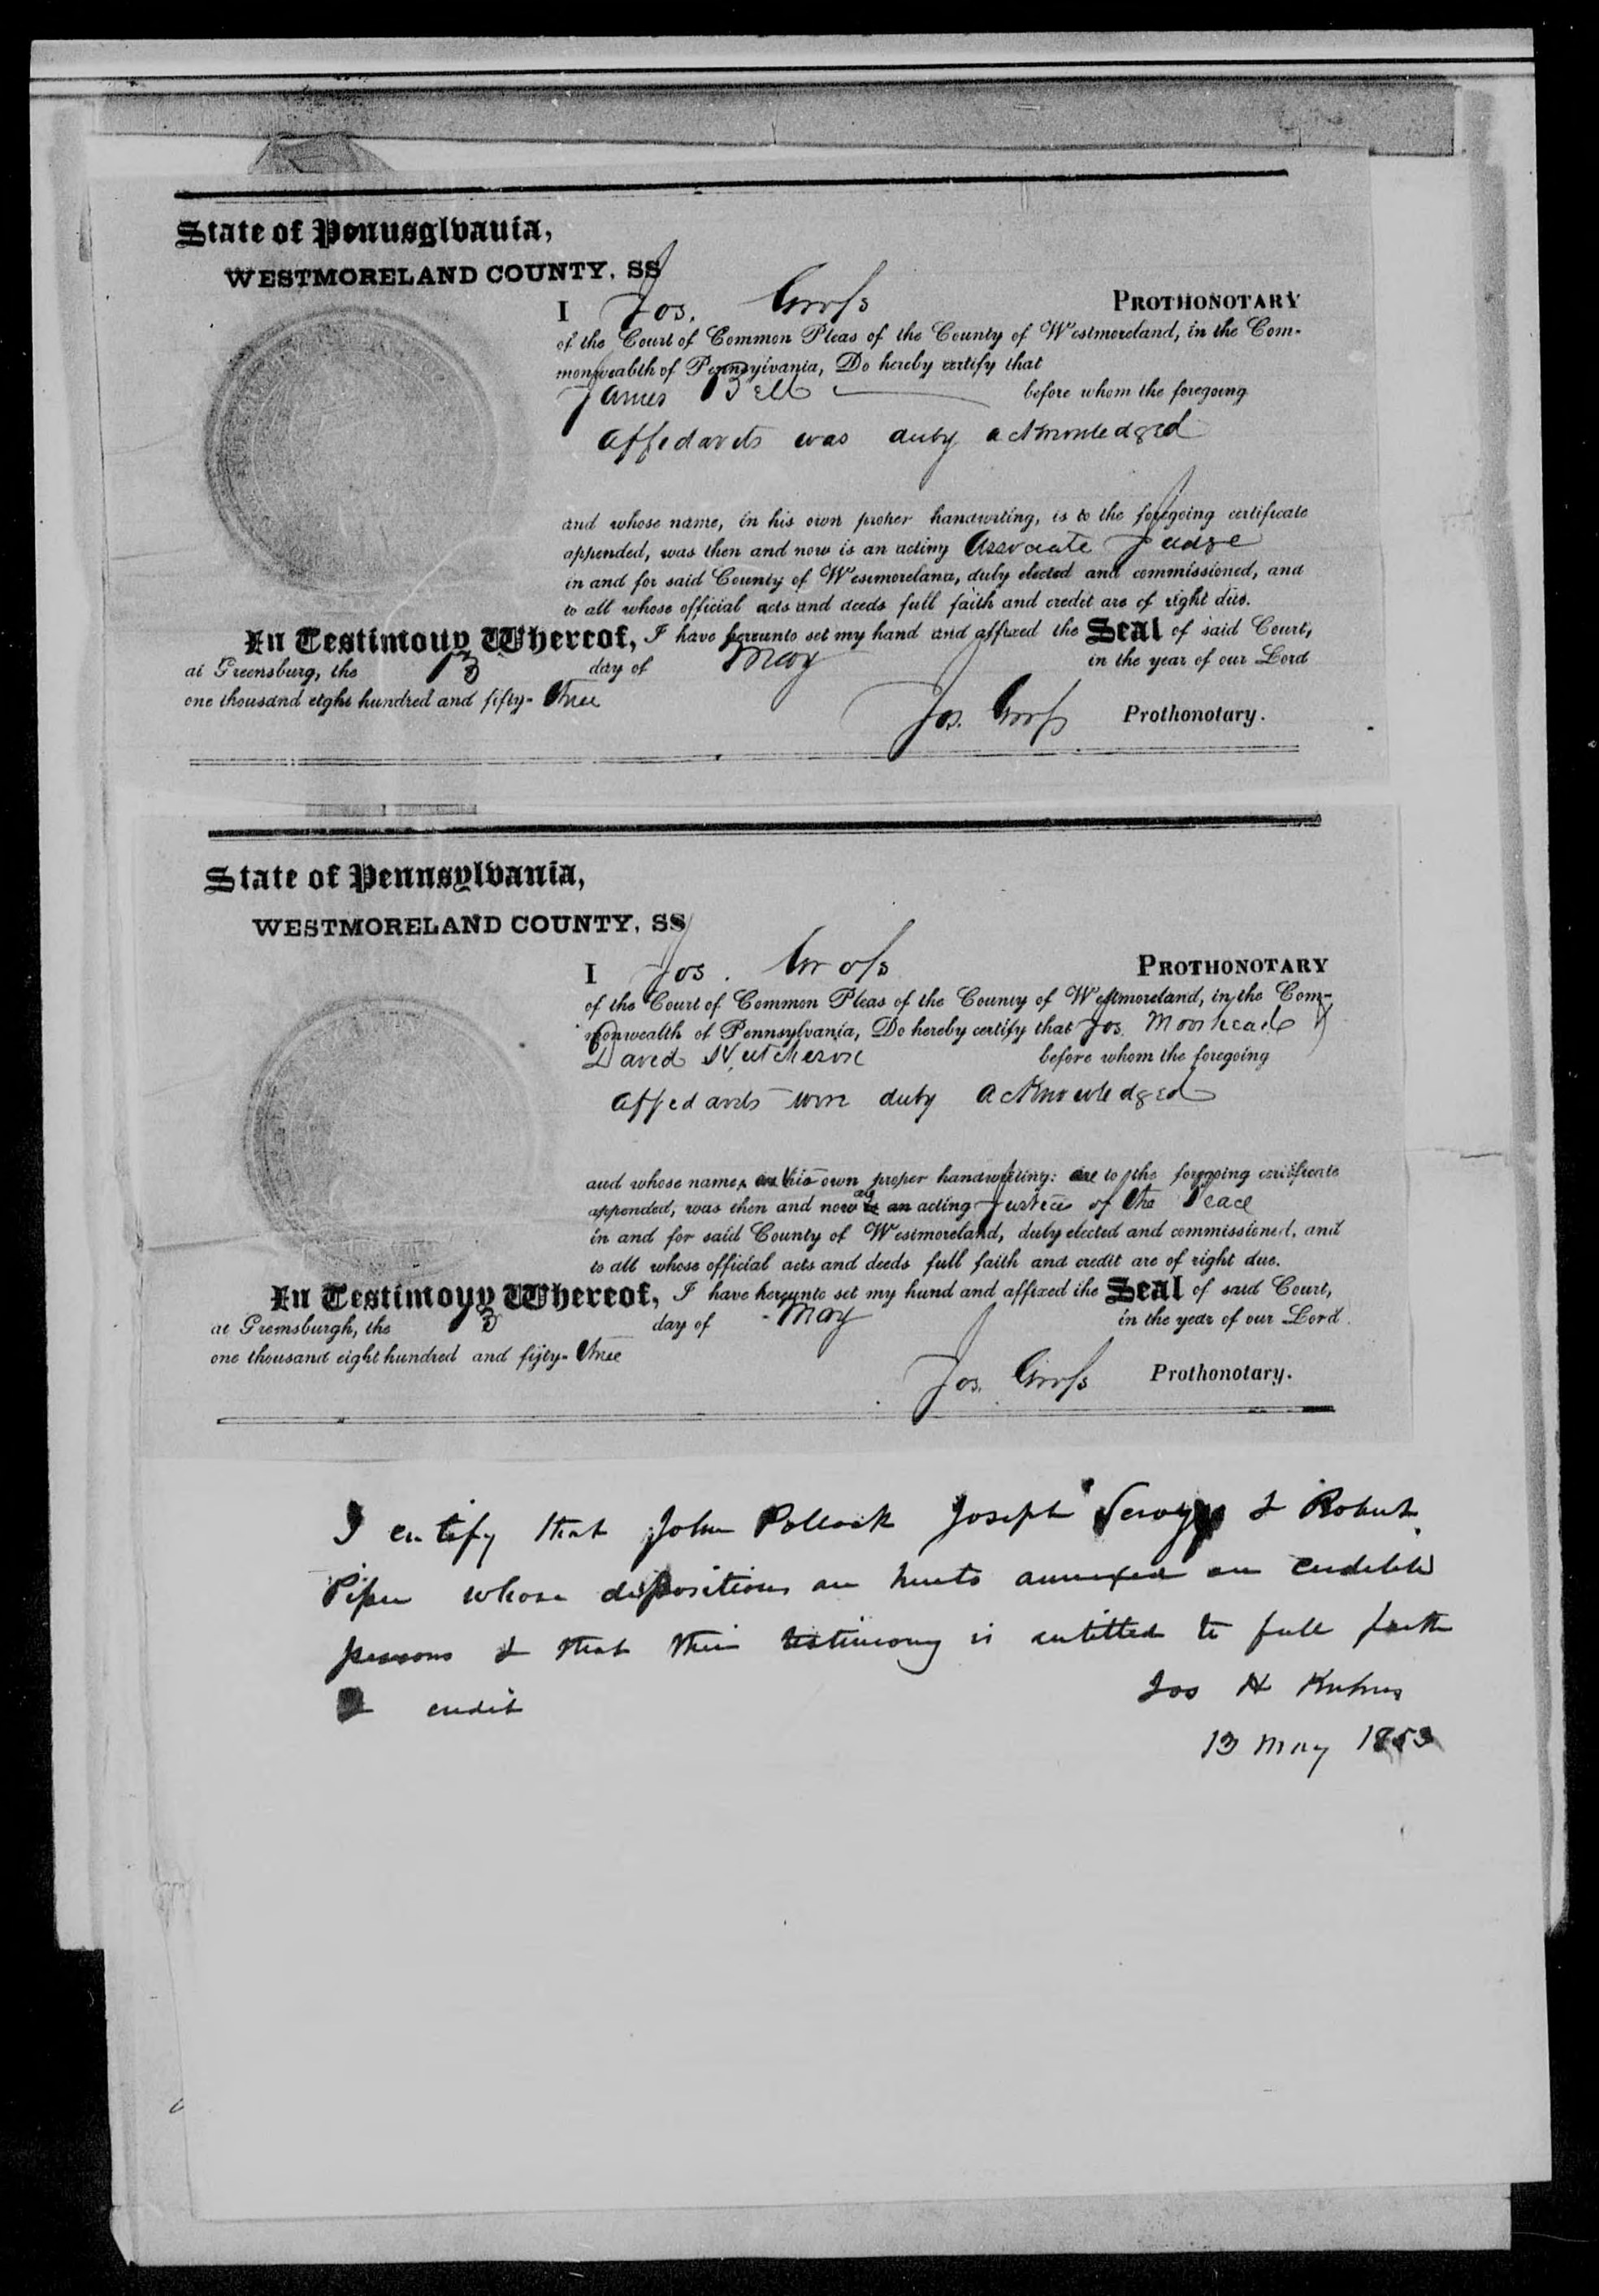State of Pennsylvania Westmoreland County SS (official seal) I Jos. [surname illegible] Prothonotary in the Court of Common Pleas of the County of Westmoreland in the Commonwealth of Pennsylvania do hereby certify that James Bell before whom the foregoing affidavit was duly acknowledged and whose name, in his own proper handwriting, is to the foregoing certificate appended, was then and now is an acting Associate Judge in and for said County of Westmoreland, duly elected and commissioned, and to all whose official  acts and deeds full faith and credit are of right due. In testimony whereof, I have hereunto set my hand and affixed the seal of said Court at Greensburg the 13th  day of May in the year of our Lord one thousand eight hundred and fifty-three. Jos. [illegible surname] Prothonotary.

State of Pennsylvania Westmoreland County SS (official seal) I Jos. [surname illegible] Prothonotary in the Court of Common Pleas of the County of Westmoreland in the Commonwealth of Pennsylvania do hereby certify that David Hutchison before whom the foregoing affidavits were duly acknowledged and whose name, in his own proper handwriting, are to the foregoing certificate appended, was then and now is (crossed out) are an acting Justice of the Peace in and for said County of Westmoreland, duly elected and commissioned, and to all whose official  acts and deeds full faith and credit are of right due. In testimony whereof, I have hereunto set my hand and affixed the seal of said Court at Greensburg the 13th  day of May in the year of our Lord one thousand eight hundred fifty-three. Jos. [surname illegible] Prothonotary.
I certify that John Pollock Joseph Scrogg [?] & Robert Piper whose depositions are hereto annexed are credible persons and that their testimony is entitled to full faith & credit.  Jos H Kuhus [?] 13 May 1853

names: Jos Gross, Jos Gross, Robert Piper, James Bell, Jos Moorhead, Jos Gross, Jos H Kuhus, Jos Gross, John Pollock, Joseph Scroggs, David Hutchison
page: 21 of 92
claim: widow's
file: W 1173, Robert Hamill, Penn.